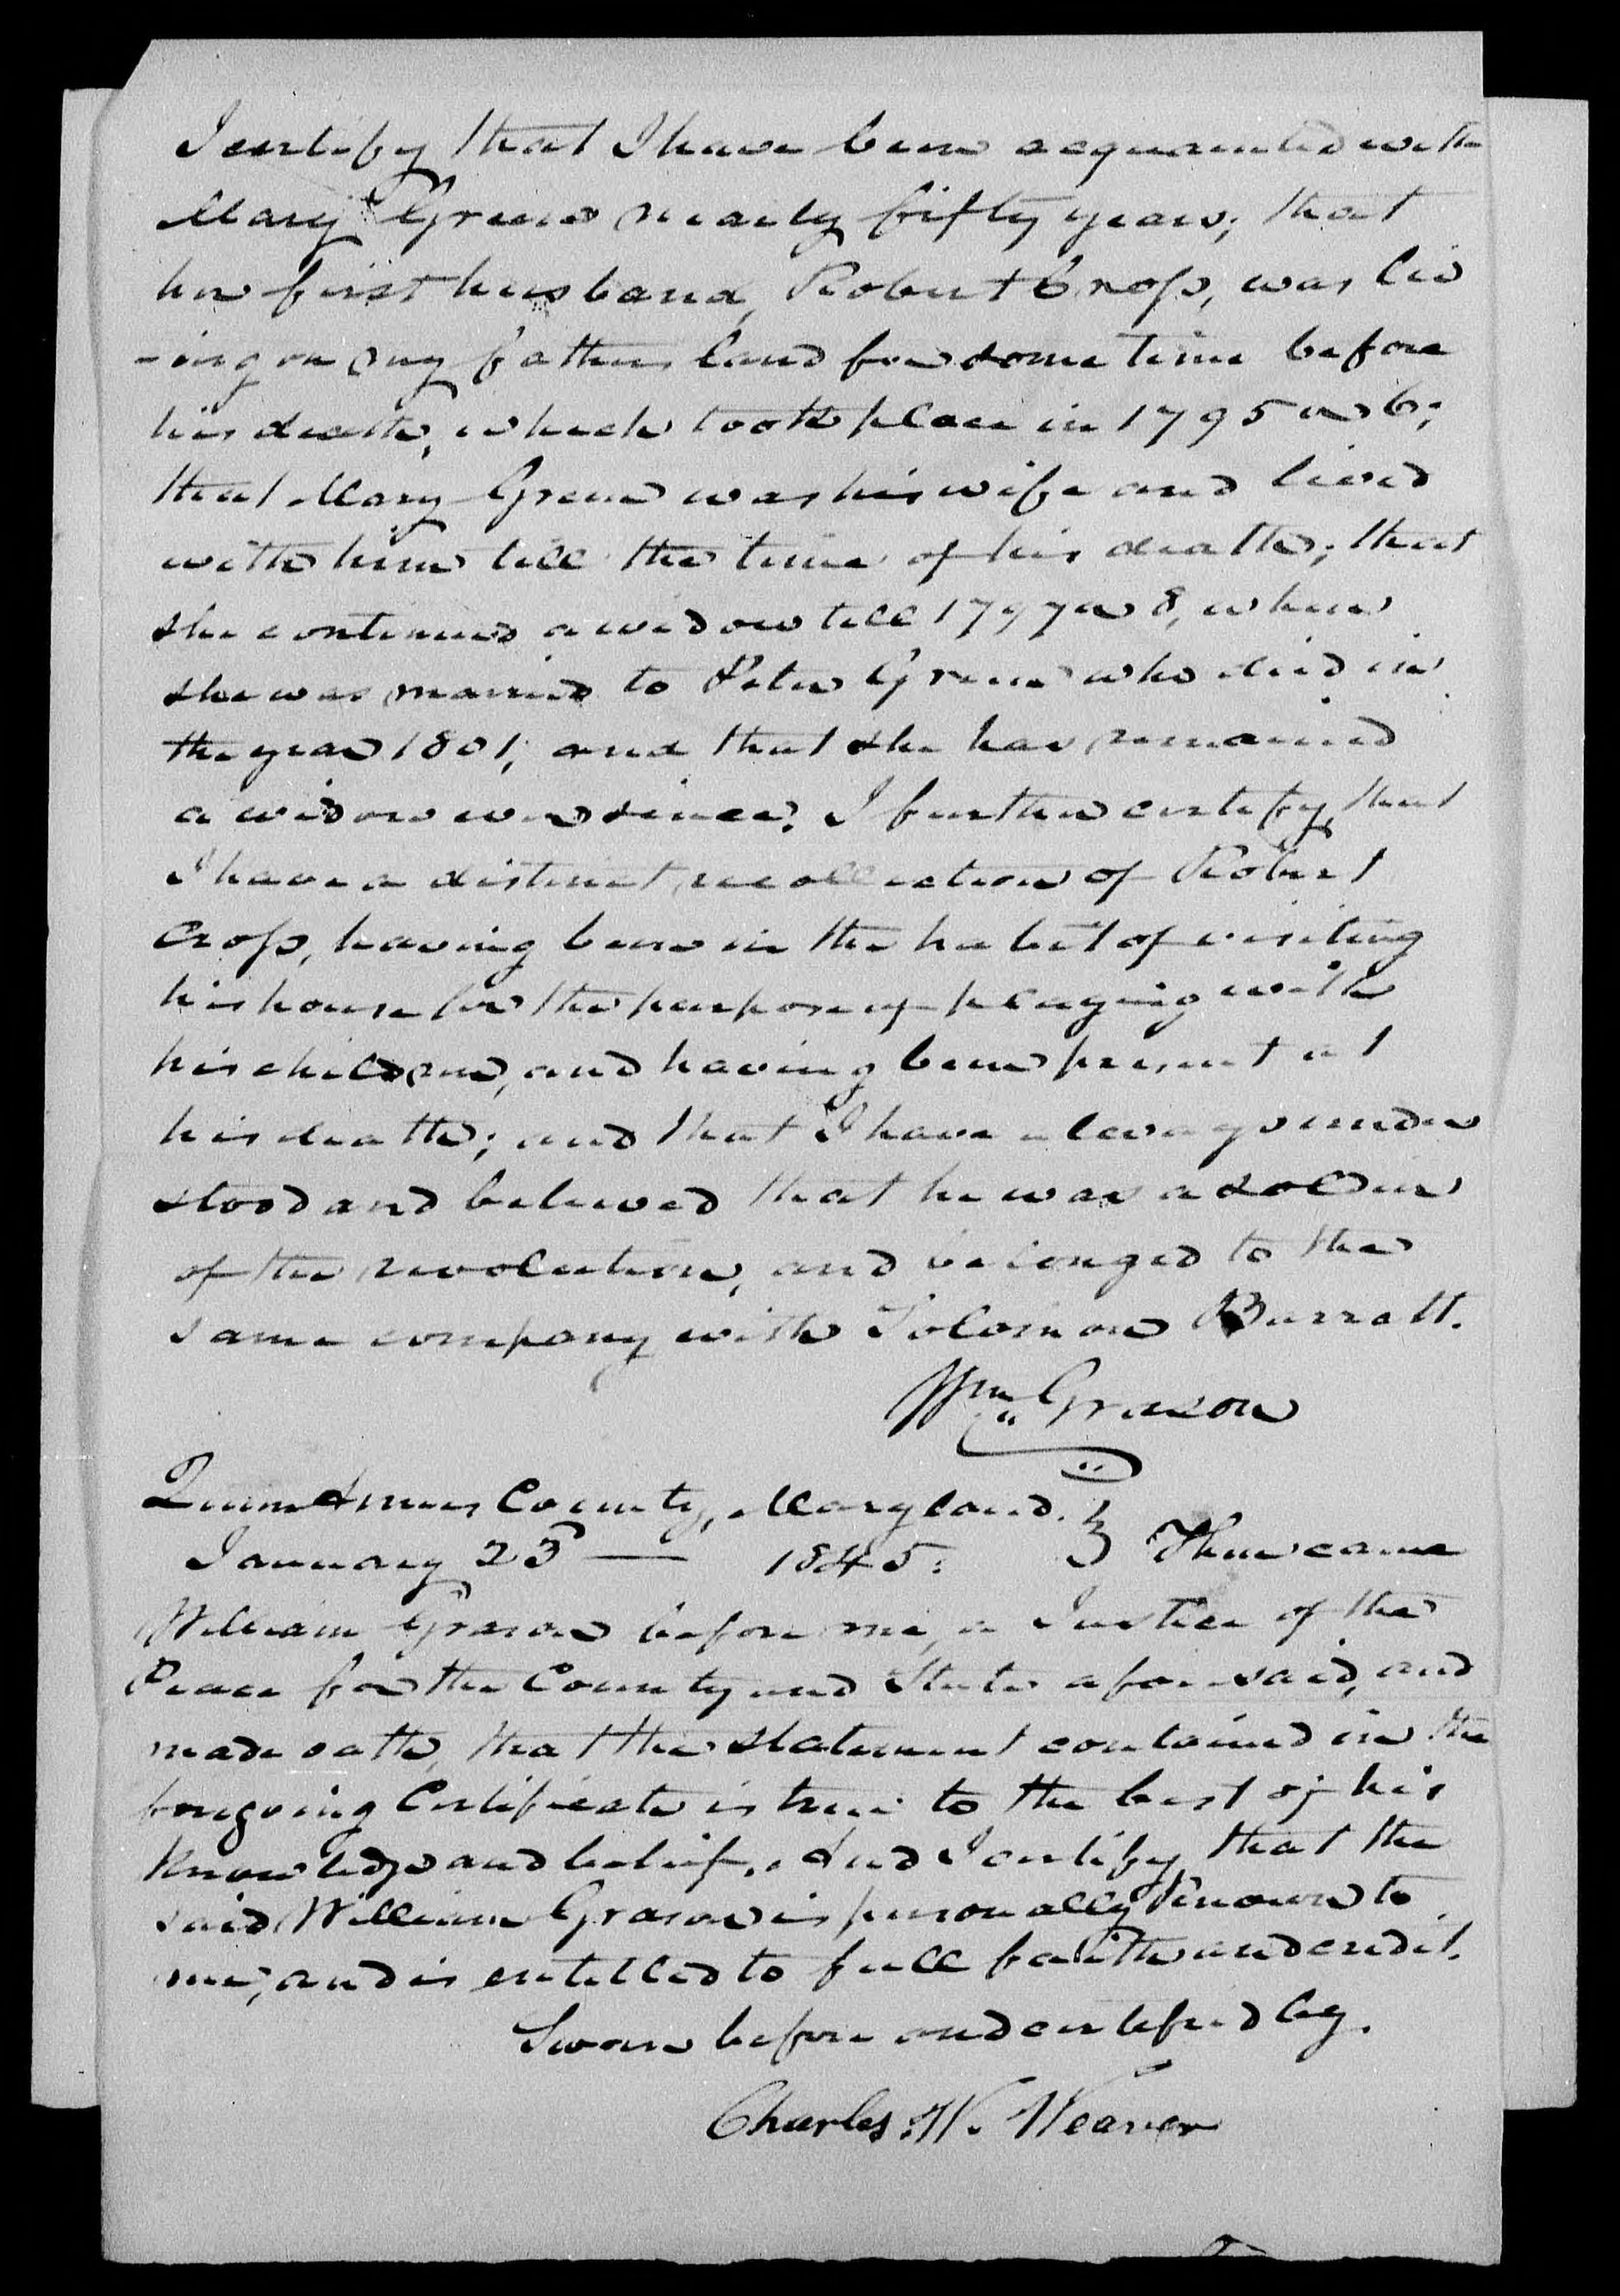I certify that I have been acquainted with Mary Green nearly fifty years; that her first husband, Robert Cross, was lesing [leasing] on [illegible] my father's land for some time before his death, which took place in 1795 ~6; that Mary Green was his wife and lived with him till the time of his death; that she continued a widow till 1797 ~ 8, when she was married to Peter Green who died in the year 1801; and that she has remained a widow ever since. I further certify that I have a distinct recollection of Robert Cross having been present at his death; and that I have understood and a believes that he was soldier of the revolution, and belonged to the same company with Solomon Barrott.
Wm Grason

Queen Anne's County, Maryland. }
January 23 - 1845:                        } Then came
William Grason before me, a Justice of the Peace for the County and State aforesaid, and made oaths, that his statement contained in the foregoing certificate is true to the best of his knowledge and belief, and I certify that the said William Grason is personally known to me, and is entitled to full faith and credit.
Sworn before and certified by
Charles W. Weaver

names: Wm Grason, Mary Green, Solomon Barrott, William Grason, Peter Green, Robert Cross, Robert Cross, William Grason, Charles W Weaver, Mary Green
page: 21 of 26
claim: widow's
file: W 25651, Robert Cross, Md.